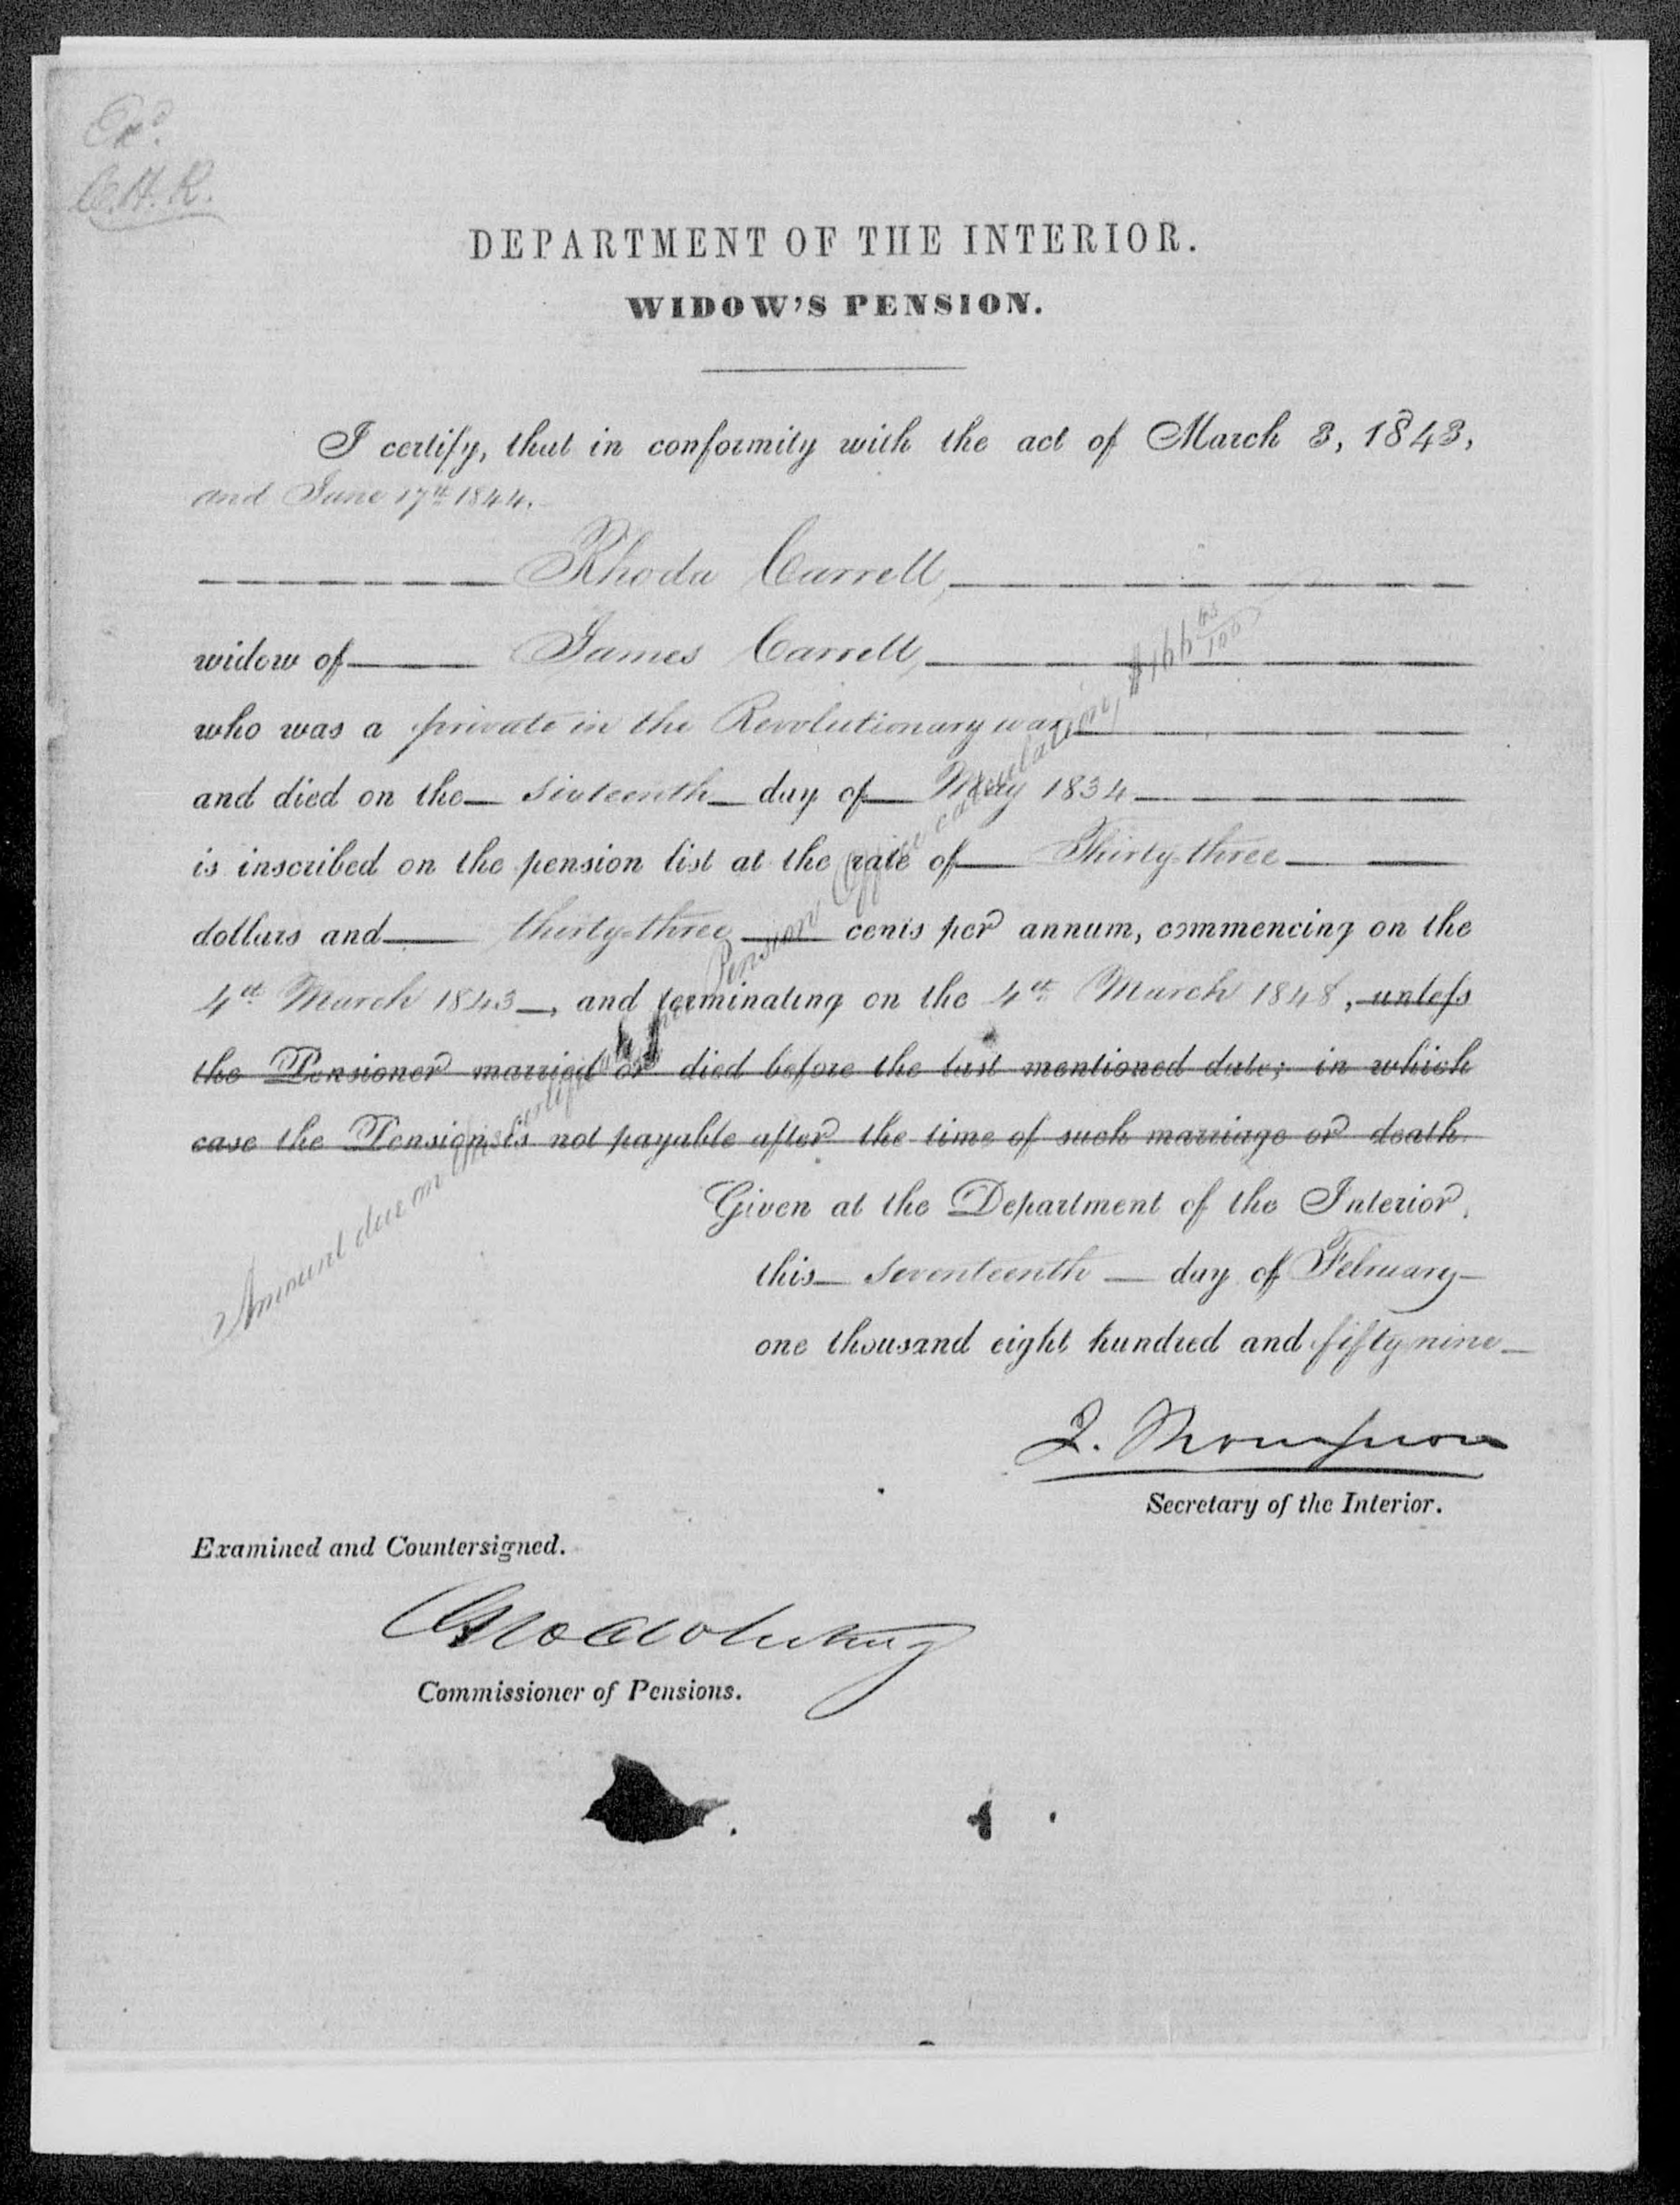DEPARTMENT OF THE INTERIOR 
WIDOW'S PENSION  
I certify that in conformity with the act of March 3th, 1843, and June 7th 1844, 
 Rhoda Carrell 
widow of James Carrell 
who was a private in the Revolutionary War 
and died on the sixteenth day of May 1834 
is inscribed on the pension list at the rate of Thirty-three dollars and thirty- three cents per annum, commencing on the 4th March, 1843, and terminating on the 4th March, 1848, [crossed out- unless the Pensioner married or died before the last mentioned date, in which case the Pension is not payable after the time of such marriage or death.]  Given at the Department of the Interior, this seventeenth day of February  one thousand eight hundred and fifty nine. J. Thompson Secretary of the Interior  

Examined and Countersigned, 
Geo C. whiting Commissioner of Pensions.  

[written diagonally across letter] Amount due in this certificate per Pension Office [illegible] $166.63/100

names: J Thompson, James Carrell, Rhoda Carrell, Geo C Whiting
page: 67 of 86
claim: widow's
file: W. 6899, James Carrell, N.C.